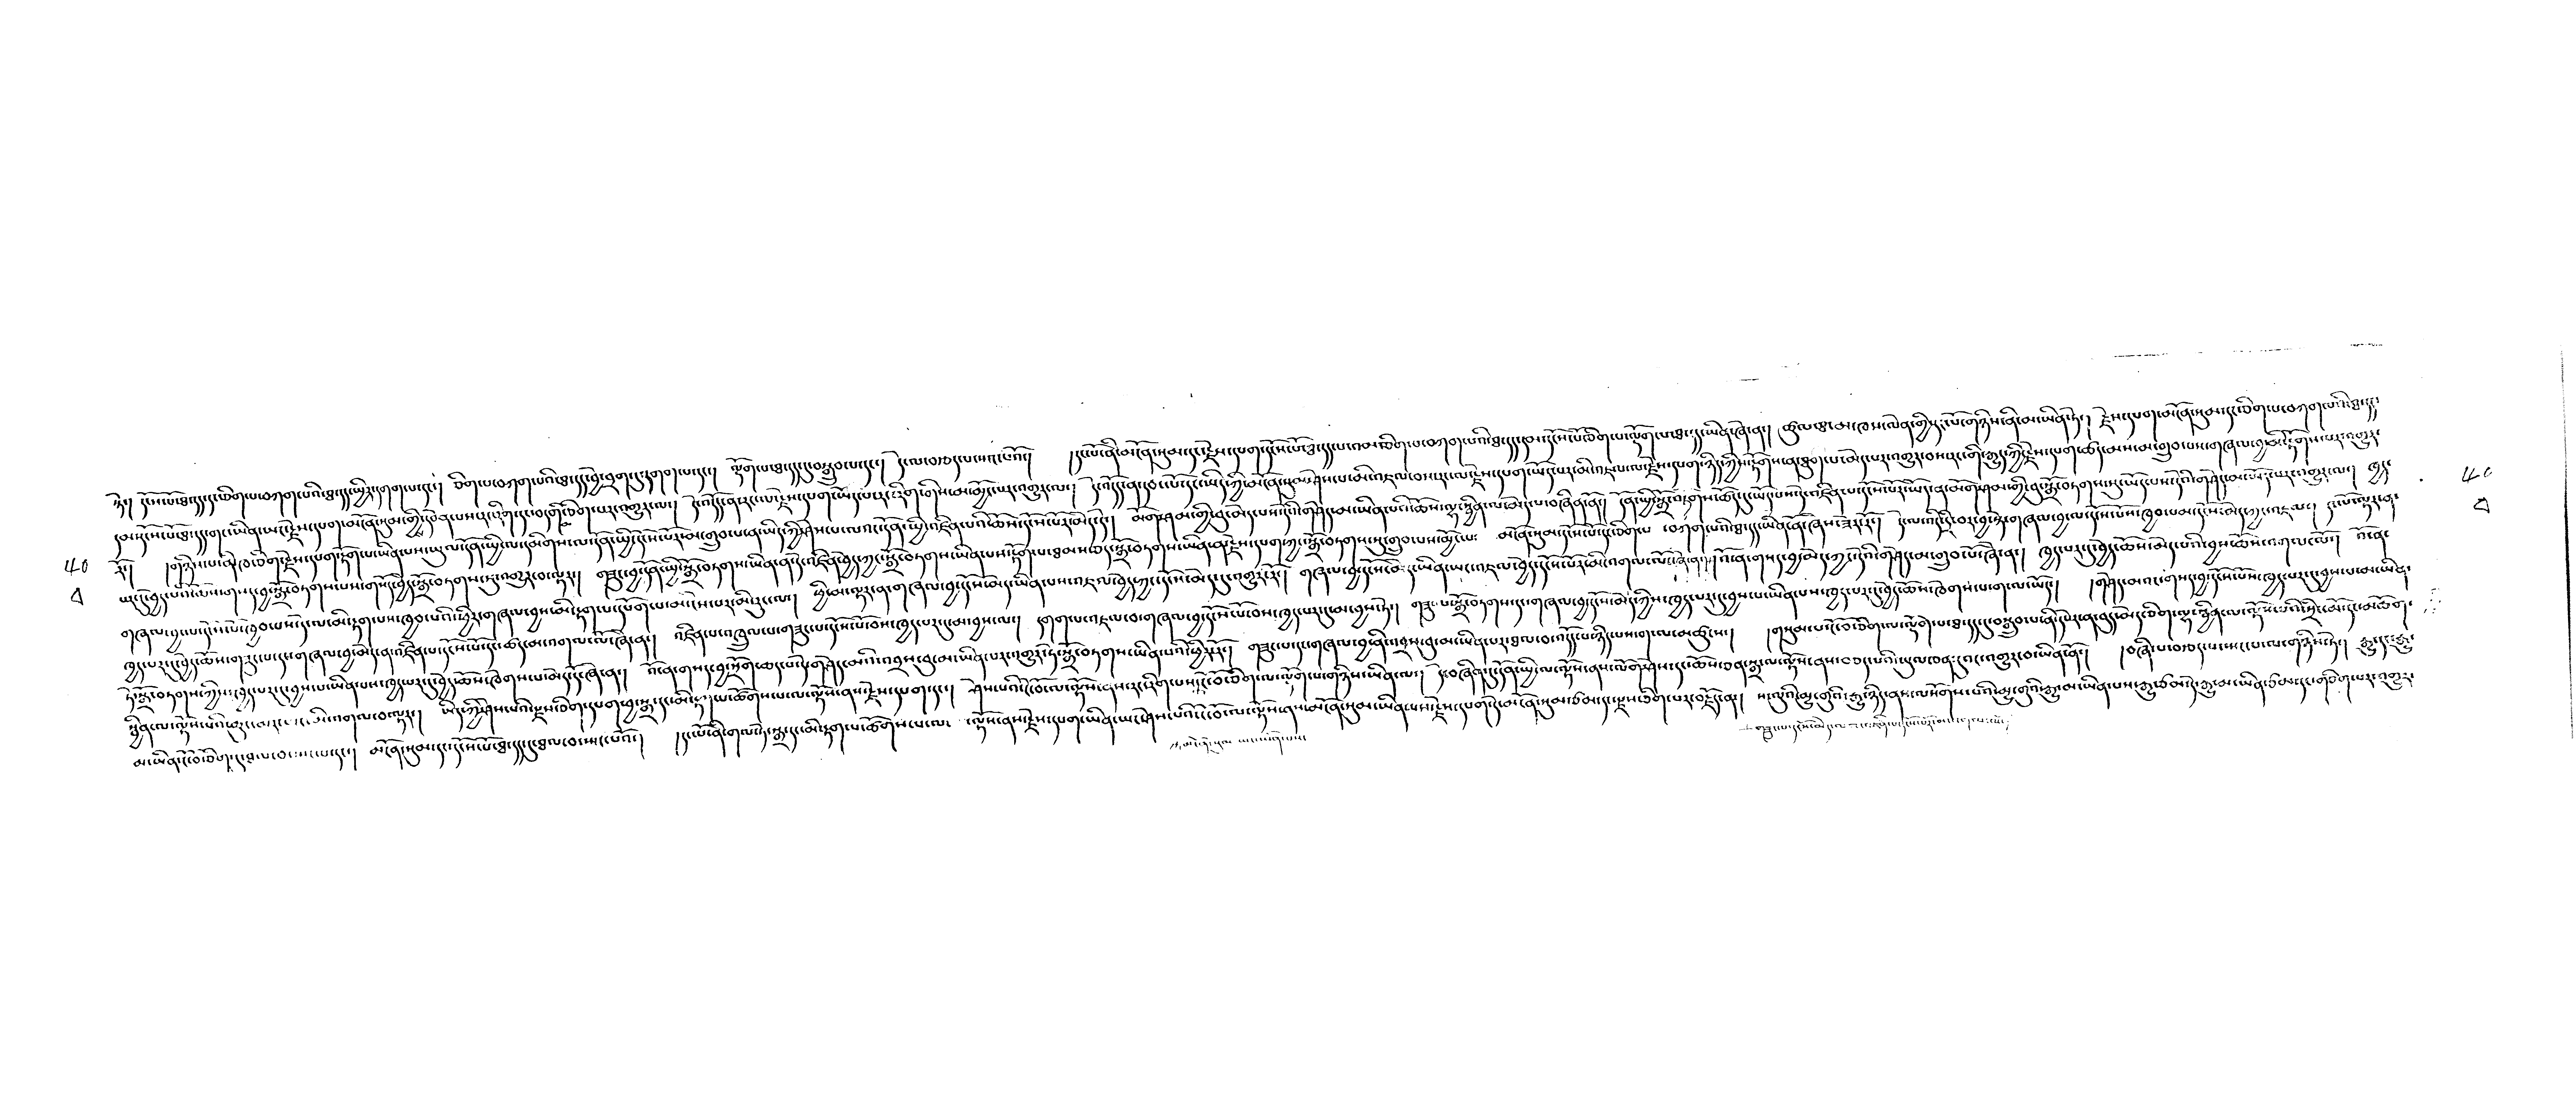སྟེ། དངོས་པོ་ཐ་དད་དང་ཅིག་པ་བཀག་པའི་ཐ་དད་སྤྱིར་དགག་པ་དང་། ཅིག་པ་བཀག་པའི་ཐ་དད་བྱེ་བྲག་དུ་དགག་པ་དང་། ལྡོག་པ་ཐ་དད་དུ་བསྒྲུབ་པ་དང་། དེ་ལ་བརྩད་ལ་སྤང་པའོ། །དང་པོ་ནི་མངོན་སུམ་དང་རྗེས་དཔག་དངོས་པོ་ཐ་དད་པ་འམ་ཅིག་པ་བཀག་པའི་ཐ་དད་དམ་དངོས་པོ་ཅིག་པ་ལྡོག་པ་ཐ་དད་ཡིན་ཞེ་ན། ཚུལ་ཐ་མ་ཁས་ལེན་གྱི་དང་པོ་གཉིས་ནི་མ་ཡིན་ཏེ། རྗེས་དཔག་མངོན་སུམ་དང་ཅིག་པ་བཀག་པའི་ཐ་དད་
དམ་དངོས་པོ་ཐ་དད་གང་ཡིན་ཡང་རྗེས་དཔག་མངོན་སུམ་གྱིས་དབེན་པས་རང་རིག་དང་བདག་མི་ཅིག་པར་འགྱུར་ལ། དེ་འདོད་ན་རང་ལ་རྗེས་དཔག་ཡོད་པ་རང་རིག་གིས་མ་མྱོང་པར་འགྱུར་ལ། དེ་འདོད་ན་དབང་པོ་དང་ཡིད་ཀྱི་མངོན་སུམ་ཤེས་པ་མི་འཇལ་བས་རང་ལ་རྗེས་དཔག་ཡོད་པར་མི་འཇལ་ལ་རྗེས་དཔག་ཉིད་ཀྱིས་རྟོགས་ན་ཐུག་པ་མེད་པར་འགྱུར་བས་རང་གི་རྒྱུད་ཀྱི་རྗེས་དཔག་ཚད་མས་མ་གྲུབ་པས་གཞལ་བྱ་མི་རྟོགས་པར་འགྱུར་
རོ། །གཉིས་པ་ནི་ཁ་ཅིག་རྗེས་དཔག་རྟོག་པ་ཡིན་པས་ཡུལ་དོན་སྤྱི་ལ་དམིགས་ལ་དོན་སྤྱི་དངོས་པོར་མ་གྲུབ་པ་ན་ཡིད་ཀྱི་ཤེས་པ་ལའང་དོན་སྤྱི་འཛིན་པའི་ཆོས་དངོས་པོར་མེད་དེ། མོག་ཤམ་གྱི་བུ་མེད་པས་དེའི་གཤེད་མ་ཡིན་པའི་ཆོས་ལྷ་སྦྱིན་ལ་མེད་པ་བཞིན་ནོ། དོན་སྤྱི་སྒྲོ་བཏགས་ཚོད་དུ་ཡོད་པས་དེ་འཛིན་པ་དངོས་པོར་ཡོད་ན་མོག་ཤམ་གྱི་བུ་སྒྲོ་བཏགས་སུ་ཡོད་པས་དེའི་གཤེད་མ་ཡོད་པར་འགྱུར་ལ། ཁྱད་
པར་དུ་བྱེད་པའི་མོས་གསད་བྱ་སྒྲོ་བཏགས་པས་གསོད་བྱེད་སྒྲོ་བཏགས་སུ་འགྱུར་བ་ལྟར། གཟུང་བྱ་དོན་སྤྱི་སྒྲོ་བཏགས་ཡིན་ན་དེ་འཛིན་བྱེད་ཀྱང་སྒྲོ་བཏགས་ཡིན་པས་རྟོག་པ་ཐམས་ཅད་སྒྲོ་བཏགས་ཡིན་ན་རྗེས་དཔག་ཀྱང་སྒྲོ་བཏགས་སུ་གྲུབ་པས་མྱོང་པ་མངོན་སུམ་དངོས་པོ་དང་ཅིག་པ་བཀག་པའི་ཐ་དད་ཡིན་ན་ཞེས་ཟེར་རོ། དེ་ལ་འདི་དྲི་བར་བྱ་སྟེ་གཞལ་བྱ་ལ་དངོས་པོས་ཁྱབ་པམ་དངོས་མེད་ཀྱང་འཇམ། དང་པོ་ལྟར་ན་
གཞལ་བྱ་ལ་དངོས་པོ་ཁྱབ་པས་དེ་ལ་མི་རྟག་པས་ཁྱབ་པའི་ཕྱིར་གཞལ་བྱས་མི་རྟག་པ་དཔོག་པ་མ་ངེས་པར་མི་རུང་ལ། ཕྱི་མ་ལྟར་ན་གཞལ་བྱ་དངོས་མེད་ཡིན་པས་འཇལ་བྱེད་ཀྱང་དངོས་མེད་དུ་འགྱུར་རོ། གཞལ་བྱ་དངོས་མེད་ཡིན་ཡང་འཇལ་བྱེད་དངོས་པོར་མི་འགལ་ལོ་ཞེ་ན། གཟུང་པ་དངོས་མེད་ལ་ལག་འཛིན་པ་དངོས་པོར་མ་འགལ་ལོ།  །འོ་ན་གསད་བྱ་མེད་ཀྱང་དེའི་གཤེད་མ་གྲུབ་པོ་ཞེ་ན། ཁྱད་པར་དུ་བྱེད་ཆོས་མེད་པའི་བྱས་ཆོས་འགལ་ལོ། འོ་ན་
ཁྱད་པར་དུ་བྱེད་ཆོས་གཟུང་པ་དང་གཞལ་བྱ་མེད་ན་འཛིན་པ་དངོས་པོ་དང་ཚད་མ་འགལ་ལོ་ཞེ་ན། འཛིན་པ་འཁྲུལ་པ་གཟུང་པ་དངོས་པོ་བས་ཁྱད་པར་དུ་མ་བྱས་ལ། དགག་ལ་འཇལ་བ་གཞལ་བྱ་དངོས་པོ་བས་ཁྱད་པར་དུ་མ་བྱས་ཏེ། གཟུང་པ་སྒྲོ་བཏགས་དང་གཞལ་བྱ་དངོས་མེད་ཀྱིས་ཁྱད་པར་དུ་བྱས་པ་ཡིན་པས་ཁྱད་པར་དུ་བྱེད་ཆོས་ཁེགས་པ་ག་ལ་ཡོད། །གཤེད་མའང་གསད་བྱ་དངོས་པོས་ཁྱད་པར་དུ་བྱས་པ་མ་ཡིན་
ཏེ་སྒྲོ་བཏགས་ཀྱིས་ཁྱད་པར་དུ་བྱས་པ་ཡིན་པས་ཁྱད་པར་དུ་བྱེད་ཆོས་ཁེགས་པ་མེད་དོ་ཞེ་ན། འོ་ན་གསད་བྱ་སྲོག་ཆད་པ་དེ་གཤེད་མའི་འབྲས་བུ་མ་ཡིན་པར་འགྱུར་ཏེ་སྒྲོ་བཏགས་ཡིན་པའི་ཕྱིར་རོ། གཟུང་པ་དང་གཞལ་བྱ་ནི་འབྲས་བུ་མ་ཡིན་པར་ཐལ་བ་འདོད་པ་ཉིད་པས་ག་ལ་མཚུངས། །གསུམ་པ་ངོ་བོ་ཅིག་ལ་ལྡོག་པ་ཐ་དད་དུ་བསྒྲུབ་པ་ནི་དཔེར་ན་བུད་མེད་ཅིག་ལྷ་སྦྱིན་ལ་ལྟོས་པའི་སྲིང་མོ་དང་མཆོག་
སྦྱིན་ལ་ལྟོས་པའི་ཆུང་མ་དང་?་མི་འགལ་བ་ལྟར། ཡིད་ཀྱི་ཤེས་པའི་རྫས་ཅིག་དཔག་བྱ་སྒྲ་དང་མི་རྟག་པ་ཚོགས་པ་ལ་ལྟོས་ནས་རྗེས་དཔག་དང་། ཤེས་པའི་ངོ་བོ་ལ་ལྟོས་ནས་རང་རིག་པས་ངོ་བོ་ཅིག་ལ་ལྡོག་པ་གཉིས་ཡིན་ལ། དེ་བཞིན་དུ་དོན་སྤྱི་ལ་ལྟོས་ནས་ལོག་ཤེས་དང་ཆོས་ཅན་སྒྲ་ལ་ལྟོས་ནས་བཅད་པའི་ཡུལ་ཅན་དུའང་འགྱུར་བ་ཡིན་ནོ། །བཞི་པ་བརྩད་པ་སྤང་པ་ལ་གཉིས་ཏེ། རྒྱུ་དང་རྒྱུ་
མ་ཡིན་ངོ་བོ་ཅིག་དུ་ཐལ་བ་སྤང་པ་དང་། མངོན་སུམ་དང་དངོས་པོ་ཐ་དད་དུ་ཐལ་བ་སྤང་པའོ། །དང་པོ་ནི་གལ་ཏེ་སྒྲ་དང་མི་རྟག་པ་ཚོགས་པ་ལ་ལྟོས་ནས་རྗེས་དཔག་ཡིན་ཡང་ཤེས་པའི་ངོ་བོ་ལ་ལྟོས་ནས་མངོན་སུམ་ཡིན་པས་རྗེས་དཔག་དེ་མངོན་སུམ་ཙམ་དང་རྫས་ཅིག་པར་བརྗོད་ན། ས་ལུའི་མྱུ་གུའི་རྒྱུ་ཉིད་ནས་ལ་སོགས་པའི་མྱུ་གུའི་རྒྱུ་མ་ཡིན་པས་རྒྱུ་ཙམ་དེ་རྒྱུ་མ་ཡིན་ཙམ་དང་གཅིག་པར་འགྱུར་